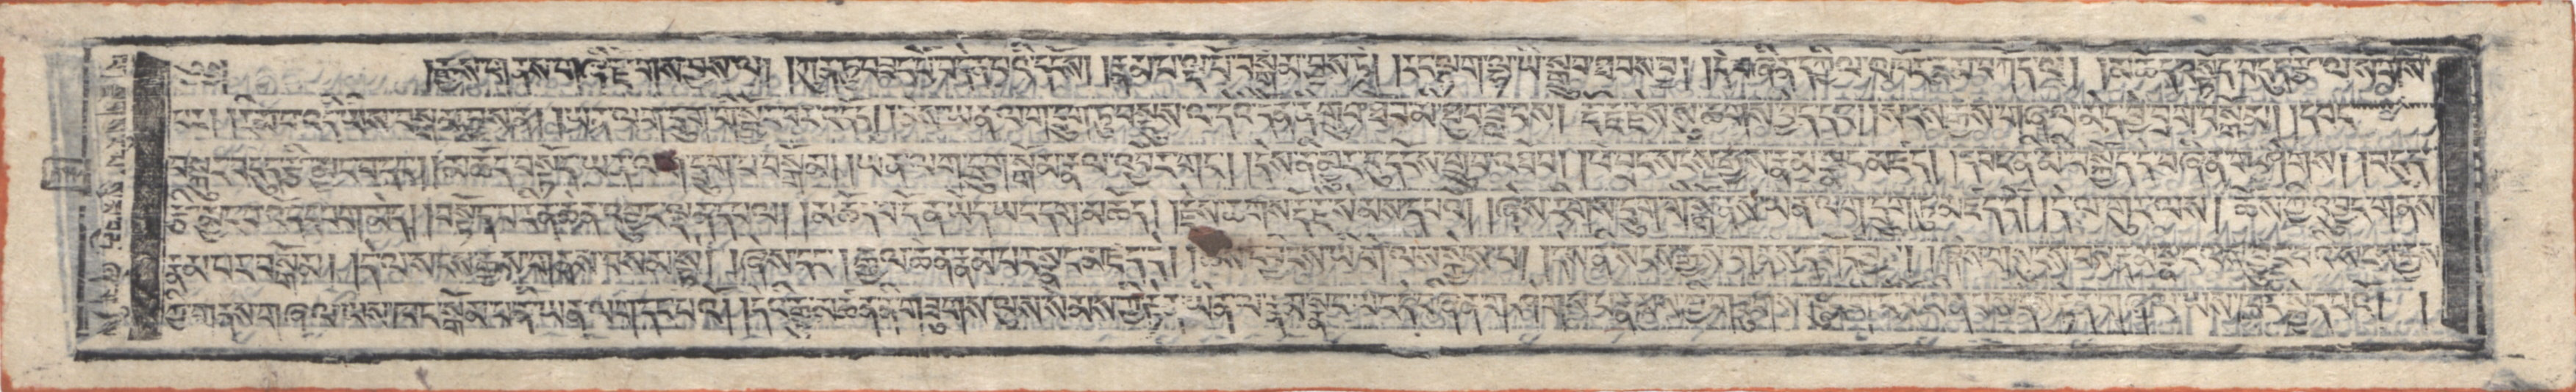༄༅། །རྒྱས་གནས་གཞི་རྫོགས་བྱས་ལ། །ཀུན་ཏུ་བཟང་པོ་བདེན་པའི་དངོས། །རྣམ་པ་ལྔ་པོ་བསྒོམ་བྱས་ཏེ། །རང་ལྷག་ལྷ་ཡི་སྒྲུབ་ཐབས་བྱ། །དེ་བཞིན་དཀྱིལ་འཁོར་རྣམ་བཀོད་ལ། །མཆོད་བསྟོད་བདུད་རྩི་ལ་སོགས་
པར། །རིམ་པ་འདི་ཡིས་བསྒོམ་བྱས་ན། །ཡན་ལག་དྲུག་གི་སྦྱོར་བར་འདོད། །ཅེས་ཡན་ལག་དྲུག་ཏུ་བསྡུས་ལ་དེའི་དོན་ནི་གྲུབ་ཐོབ་མི་ཐུབ་ཟླ་བས། རྡོ་རྗེ་རྗེས་སུ་ཆགས་བྱེད་དང་། །སངས་རྒྱས་གཞལ་མེད་བྱེ་བྲག་བསྒོམ། །དབང་
བསྐུར་བདུད་རྩི་མྱང་བ་དང་། །མཆོད་བསྟོད་ཡན་ལག་དྲུག་པ་བསྒོམ། །ཡན་ལག་དྲུག་སྒོམ་རྣལ་འབྱོར་གང་། །དེས་ནི་མྱུར་དུ་དངོས་གྲུབ་འཐོབ། །ཕོ་བྲང་སངས་རྒྱས་རྣམ་སྣང་མཛད། །དབང་ནི་མི་བསྐྱོད་དེ་བཞིན་གཤེགས། །བདུད་
རྩི་མྱང་བ་འོད་དཔག་མེད། །བསྟོད་པ་རིན་ཆེན་འབྱུང་ལྡན་དཔལ། །མཆོད་པ་དོན་ཡོད་ཡང་དག་མཆོད། །རྗེས་ཆགས་རྡོ་རྗེ་སེམས་དཔའོ། །ཞེས་རིགས་དྲུག་གི་སྒོ་ནས་ཡན་ལག་དྲུག་ཏུ་མཛད་དོ། །དེ་ལ་གུར་ལས། ཆོས་ཀྱི་འབྱུང་གནས་
རྣམ་པར་བསྒོམ། །དེ་ལ་སངས་རྒྱས་གནས་བསམ་སྟེ། །ཞེས་དང་། རྒྱལ་ཆེན་རྣམ་པར་སྣང་མཛད་དེ། །ཆོས་དབྱིངས་ཡི་གེ་ལས་སྐྱེས་པ། །དེས་ནི་སངས་རྒྱས་གནས་དགོད་བྱ། །ཞེས་གསུངས་པས་རྣམ་སྣང་ལས་བྱུང་བའི་སངས་རྒྱས་
ཀྱི་གནས་གཞལ་ཡས་ཁང་སྒོམ་པ་ནི་ཡན་ལག་དང་པའོ། །དེའི་རྒྱུ་མཚན་ནི་གཟུགས་ལུས་སེམས་ཀྱི་རྟེན་ཡིན་ལ་རྣམ་སྣང་ཡང་དེ་བཞིན་གཤེགས་པ་རྣམས་ཀྱི་གཟུགས་ཕུང་གི་ངོ་བོ་ཡིན་པས་དེས་རྟེན་གཞལ་ཡས་ཁང་སྐྱེད་པའོ། །